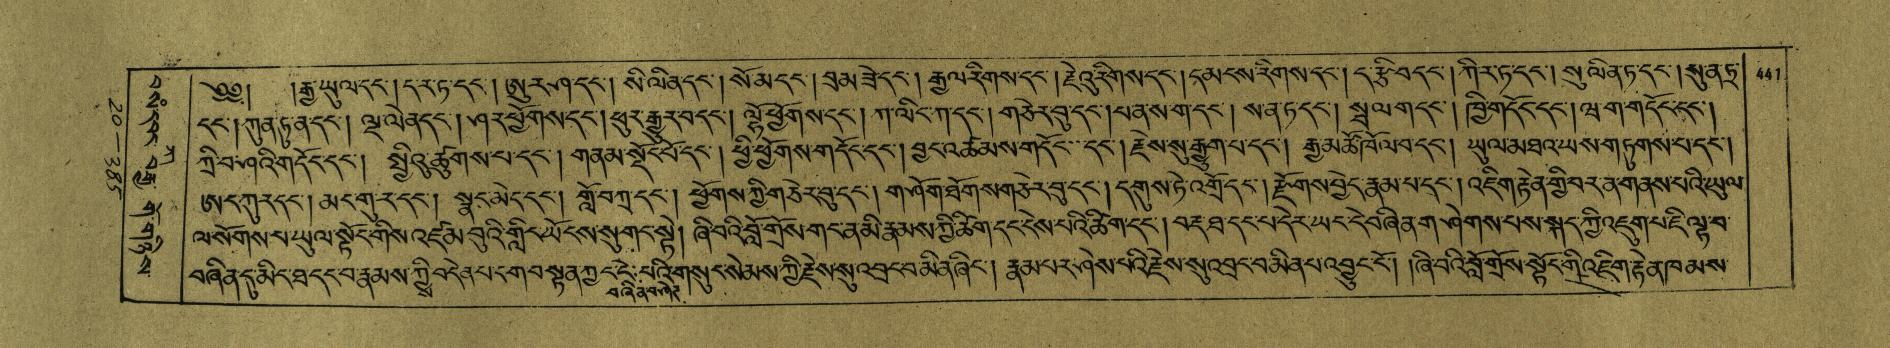༄༅། །རྒྱ་ཡུལ་དང་། ད་ར་ཏ་དང་། ཨུར་ཤ་དང་། སི་ལིན་དང་། སོ་མ་དང་། བྲམ་ཟེ་དང་། རྒྱལ་རིགས་དང་། རྗེའུ་རིགས་དང་། དམངས་རིགས་དང་། ད་རྩིབ་དང་། ཀི་ར་ཏ་དང་། སུ་ལིན་ཏ་དང་། སུ་ན་ཏྲ་
དང་། ཀུན་ཏུ་ན་དང་། ལྔ་ལེན་དང་། ཤར་ཕྱོགས་དང་། ཕུར་རྒྱུར་བ་དང་། ལྷོ་ཕྱོགས་དང་། ཀ་ལིང་ཀ་དང་། གཅེར་བུ་དང་། པ་ན་ས་ག་དང་། ས་ན་ཏ་དང་། སྦ་ལ་ག་དང་། ཁྱི་གདོང་དང་། ཝ་ག་གདོང་དང་།
ཀྲི་བ་ཤའི་གདོང་དང་། སྤྱིའུ་ཚུགས་པ་དང་། གནམ་སྡོང་པོ་དང་། ཕྱི་ཕྱོགས་གདོང་དང་། བྱང་འཚམས་གདོང་དང་། རྗེས་སུ་རྒྱུག་པ་དང་། རྒྱ་མཚོ་ཁོལ་བ་དང་། ཡུལ་མཐའ་ཡས་གཏུགས་པ་དང་།
ཨང་ཀུར་དང་། མ་ང་གུ་ར་དང་། སྣང་མེད་དང་། གློ་བཀྲ་དང་། ཕྱོགས་ཀྱི་གཅེར་བུ་དང་། གཤོག་ཐོགས་གཅེར་བུ་དང་། དགུས་ཏེ་འགྲོ་དང་། རྫོགས་བྱེད་རྣམ་པ་དང་། འཇིག་རྟེན་གྱི་བར་ན་གནས་པའི་ཡུལ་
ལ་སོགས་པ་ཡུལ་སྟོང་གིས་འཛམ་བུའི་གླིང་ཡོངས་སུ་གང་སྟེ། ཞི་བའི་བློ་གྲོས་གང་ན་མི་རྣམས་ཀྱི་ཚིག་དང་ངེས་པའི་ཚིག་དང་། བརྡ་ཐ་དང་པ་དེར་ཡང་དེ་བཞིན་གཤེགས་པས་སྐད་ཀྱི་འཇུག་པ་ཇི་ལྟ་བ་
བཞིན་དུ་མིང་ཐ་དད་བ་རྣམས་ཀྱིས་བདེན་པ་དག་བསྟན་ཀྱང་དེ་བཞིན་བཤེཊ་པའི་གསུང་སེམས་ཀྱི་རྗེས་སུ་འབྲང་བ་མིན་ཞིང་། རྣམ་པར་ཤེས་པའི་རྗེས་སུ་འབྲང་བ་མིན་པ་འབྱུང་ངོ། །ཞི་བའི་བློ་གྲོས་སྟོང་གི་འཇིག་རྟེན་ཁམས་